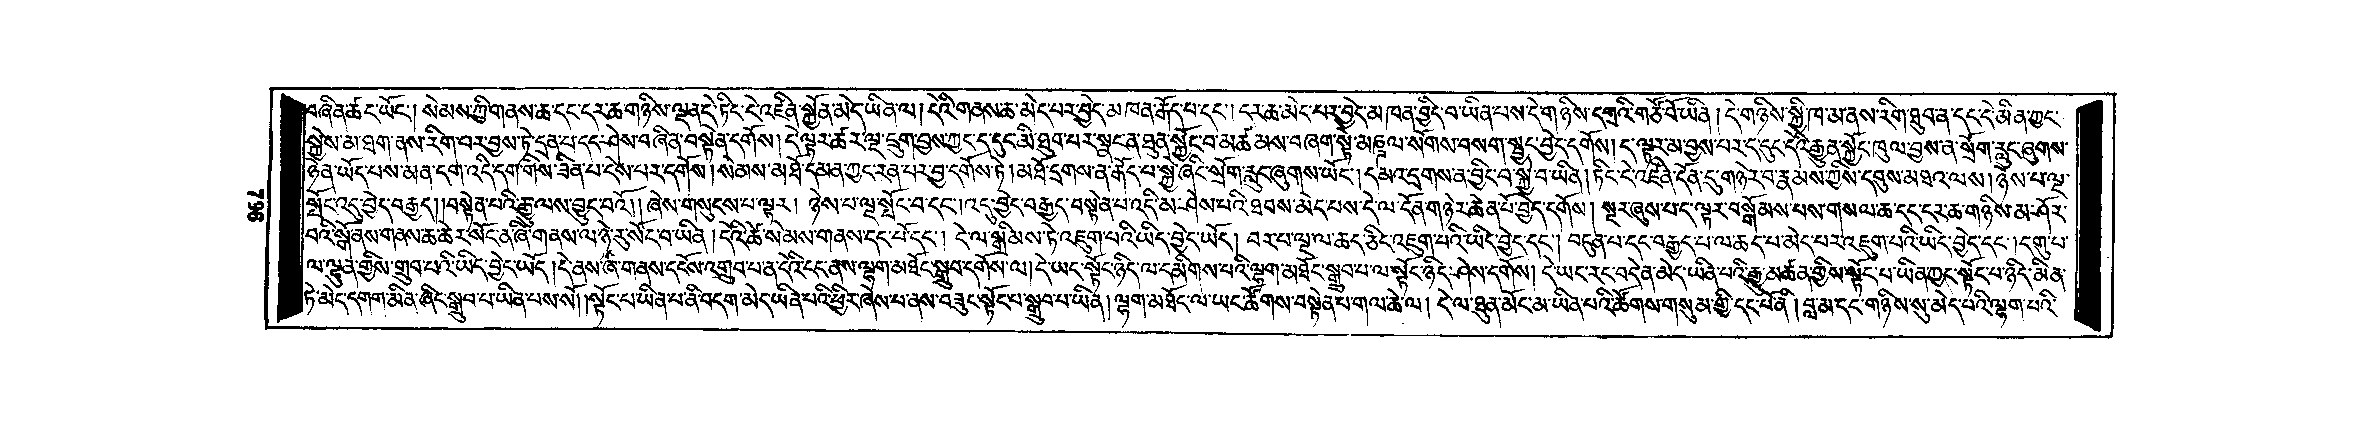བཞིན་ཚང་ཡོང་། སེམས་ཀྱི་གནས་ཆ་དང་དར་ཆ་གཉིས་ལྡན་དེ་ཏིང་ངེ་འཛིན་སྐྱོན་མེད་ཡིན་ལ། དེའི་གནས་ཆ་མེད་པར་བྱེད་མཁན་རྒོད་པ་དང་། དར་ཆ་མེད་པར་བྱེད་མཁན་བྱིད་བ་ཡིན་པས་དེ་གཉིས་དགྲའི་གཙོ་བོ་ཡིན། དེ་གཉིས་སྐྱི་ཁ་མ་ནས་རིག་ཐུབ་ན་དང་དེ་མིན་ཀྱང་
སྐྱེས་མ་ཐག་ནས་རིག་བར་བྱས་ཏེ་དྲན་པ་དང་ཤེས་བཞིན་བསྟེན་དགོས། དེ་ལྟར་ཚར་ལྔ་དྲུག་བྱས་ཀྱང་ད་དུང་མི་ཐུབ་པར་སྣང་ན་ཐུན་སྐྱོང་བ་མཚམས་བཞག་སྟེ་མཎྜལ་སོགས་བསག་སྦྱང་བྱེད་དགོས། ད་ལྟར་མ་བྱས་པར་ད་དུང་དེའི་རྒྱུན་སྐྱོང་ཁུལ་བྱས་ན་སྲོག་རླུང་ཞུགས་
ཉེན་ཡོད་པས་མན་དག་འདི་དག་གིས་ཟིན་པ་ངེས་པར་དགོས། སེམས་མཐོ་དམན་ཀྱང་རན་པར་བྱ་དགོས་ཏེ། མཐོ་དྲགས་ན་རྒོད་པ་སྐྱེ་ཞིང་སྲོག་རླུང་ཞུགས་ཡོང་། དམའ་དྲགས་ན་བྱིང་བ་སྐྱེ་བ་ཡིན། ཏིང་ངེ་འཛིན་དོན་དུ་གཉེར་བ་རྣམས་ཀྱིས་དབུས་མཐའ་ལས། ཉེས་པ་ལྔ་
སྤོང་འདུ་བྱེད་བརྒྱད། །བསྟེན་པའི་རྒྱུ་ལས་བྱུང་བའོ། །ཞེས་གསུངས་པ་ལྟར། ཉེས་པ་ལྔ་སྤོང་བ་དང་། འདུ་བྱེད་བརྒྱད་བསྟེན་པ་འདི་མ་ཤེས་པའི་ཐབས་མེད་པས་དེ་ལ་དོན་གཉེར་ཆེན་པོ་བྱེད་དགོས། སྔར་ཞུས་པ་ད་ལྟར་བསྒོམས་པས་གསལ་ཆ་དང་དར་ཆ་གཉིས་མ་ཤོར་
བའི་སྒོ་ནས་གནས་ཆ་ཆེར་སོང་ན་ཞི་གནས་ལ་ཉེ་རུ་སོང་བ་ཡིན། དེའི་ཚེ་སེམས་གནས་དང་པོ་དང་། དེ་ལ་སྒྲིམས་ཏེ་འཇུག་པའི་ཡིད་བྱེད་ཡོད། བར་པ་ལྔ་ལ་ཆད་ཅིང་འཇུག་པའི་ཡིད་བྱེད་དང་། བདུན་པ་དང་བརྒྱད་པ་ལ་ཆད་པ་མེད་པར་འཇུག་པའི་ཡིད་བྱེད་དང་། དགུ་པ་
ལ་ལྷུན་གྱིས་གྲུབ་པའི་ཡིད་བྱེད་ཡོད། དེ་ནས་ཞི་གནས་དངོས་འགྲུབ་པ་ན་དེའི་ངང་ནས་ལྷག་མཐོང་སྒྲུབ་དགོས་ལ། དེ་ཡང་སྟོང་ཉིད་ལ་དམིགས་པའི་ལྷག་མཐོང་སྒྲུབ་པ་ལ་སྟོང་ཉིད་ཤེས་དགོས། དེ་ཡང་རང་བདེན་མེད་ཡིན་པའི་རྒྱུ་མཚན་གྱིས་སྟོང་པ་ཡིན་ཀྱང་སྟོང་པ་ཉིད་མིན་
ཏེ་མེད་དགག་མིན་ཞིང་སྒྲུབ་པ་ཡིན་པས་སོ། །སྟོང་པ་ཡིན་པ་ནི་བདག་མེད་ཡིན་པའི་ཕྱིར་ཞེས་པ་ནས་བཟུང་སྟོང་པ་སྒྲུབ་པ་ཡིན། ལྷག་མཐོང་ལ་ཡང་ཚོགས་བསྟེན་པ་གལ་ཆེ་ལ། དེ་ལ་ཐུན་མོང་མ་ཡིན་པའི་ཚོགས་གསུམ་གྱི་དང་པོ་ནི། བླ་མ་དང་གཉིས་སུ་མེད་པའི་ལྷག་པའི་